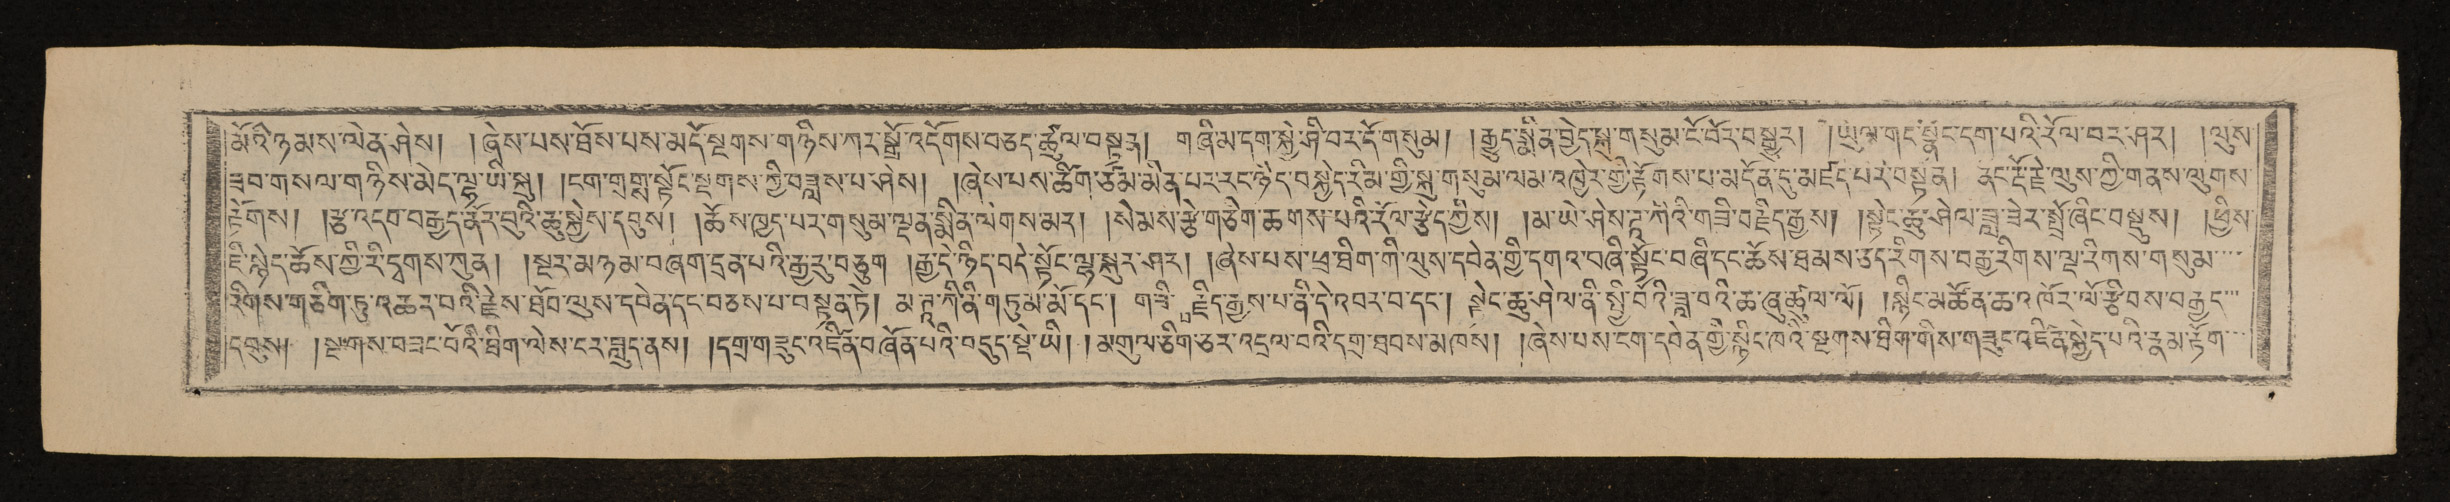མོའི་ཉམས་ལེན་ཤེས། །ཞེས་པས་ཐོས་པས་མདོ་སྔགས་གཉིས་ཀར་སྒྲོ་འདོགས་བཅང་ཚུལ་བསྟན། གཞི་མདག་སྐྱེ་ཤི་བར་དོ་གསུམ། །རྒྱུད་སྨིན་བྱེད་སྐུ་གསུམ་ངོ་བོར་བསྒྱུར། །ཡུལ་གང་སྣང་དག་པའི་རོལ་པར་ཤར། །ལུས་
ཟབ་གསལ་གཉིས་མེད་ལྷ་ཡི་སྐུ། །ངག་གྲགས་སྟོང་སྔགས་ཀྱི་བཟླས་པ་ཤེས། །ཞེས་པས་ཚིག་ཙམ་མིན་པར་རང་ཉིད་བསྐྱེད་རིམ་གྱི་སྐུ་གསུམ་ལམ་འཁྱེར་གྱི་རྟོགས་པ་མངོན་དུ་མཛད་པར་བསྟན། ནང་རྡོ་རྗེ་ལུས་ཀྱི་གནས་ལུགས་
རྟེགས། །རྩ་འདབ་བརྒྱད་ནོར་བུའི་ཆུ་སྐྱེས་དབུས། །ཆོས་ཁྱད་པར་གསུམ་ལྡན་སྨིན་ལེགས་མར། །སེམས་རྩེ་གཅིག་ཆགས་པའི་རོལ་རྩེད་ཀྱིས། །མ་ཡེ་ཤེས་ཌཱ་ཀིའི་གཟི་བརྗིད་རྒྱས། །སྟེང་ཆུ་ཤེལ་ཟླ་ཟེར་སྤྲེ་ཞིང་བསྡུས། །ཕྱིས་
ཇི་སྙེད་ཆོས་ཀྱི་རི་དྭགས་ཀུན། །སྔར་མཉམ་བཞག་དྲན་པའི་རྒྱ་རུ་བཅུག །རྒྱ་དེ་ཉིད་བདེ་སྟོང་ལྷ་སྐུར་ཤར། །ཞེས་པས་ཕྲ་ཐིག་གི་ལུས་དབེན་གྱི་དགའ་བཞི་སྟོང་བཞི་དང་ཆོས་ཐམས་ཅད་རིགས་བརྒྱ་རིགས་ལྔ་རིགས་གསུམ་
རིགས་གཅིག་ཏུ་འཆར་བའི་རྗེས་ཐོབ་ལུས་དབེན་དང་བཅས་པ་བསྟན་ཏེ། མ་ཊཱ་ཀི་ནི་གཏུམ་མོ་དང་། གཟི་བརྗིད་རྒྱས་པ་ནི་དེ་འབར་བ་དང་། སྟེང་ཆུ་ཤེལ་ནི་སྤྱི་བོའི་ཟླ་བའི་ཆ་ཞུ་ཚུལ་ལོ། །སྙིང་མཚོན་ཆ་འཁོར་ལོ་རྩིབས་བརྒྱད་
དབུས། །སྔགས་བཟང་པོའི་ཐིག་ལེས་ངར་བླུད་ནས། །དགྲ་གཟུང་འཛིན་བཞོན་པའི་བདུད་སྡེ་ཡི། །མགུལ་ཅིག་ཅར་འདྲལ་པའི་དགྲ་ཐབས་མཁས། །ཞེས་པས་ངག་དབེན་གྱི་སྙིང་ཁའི་སྔགས་ཐིག་གིས་གཟུང་འཛིན་སྐྱེད་པའི་རྣམ་རྟོག་